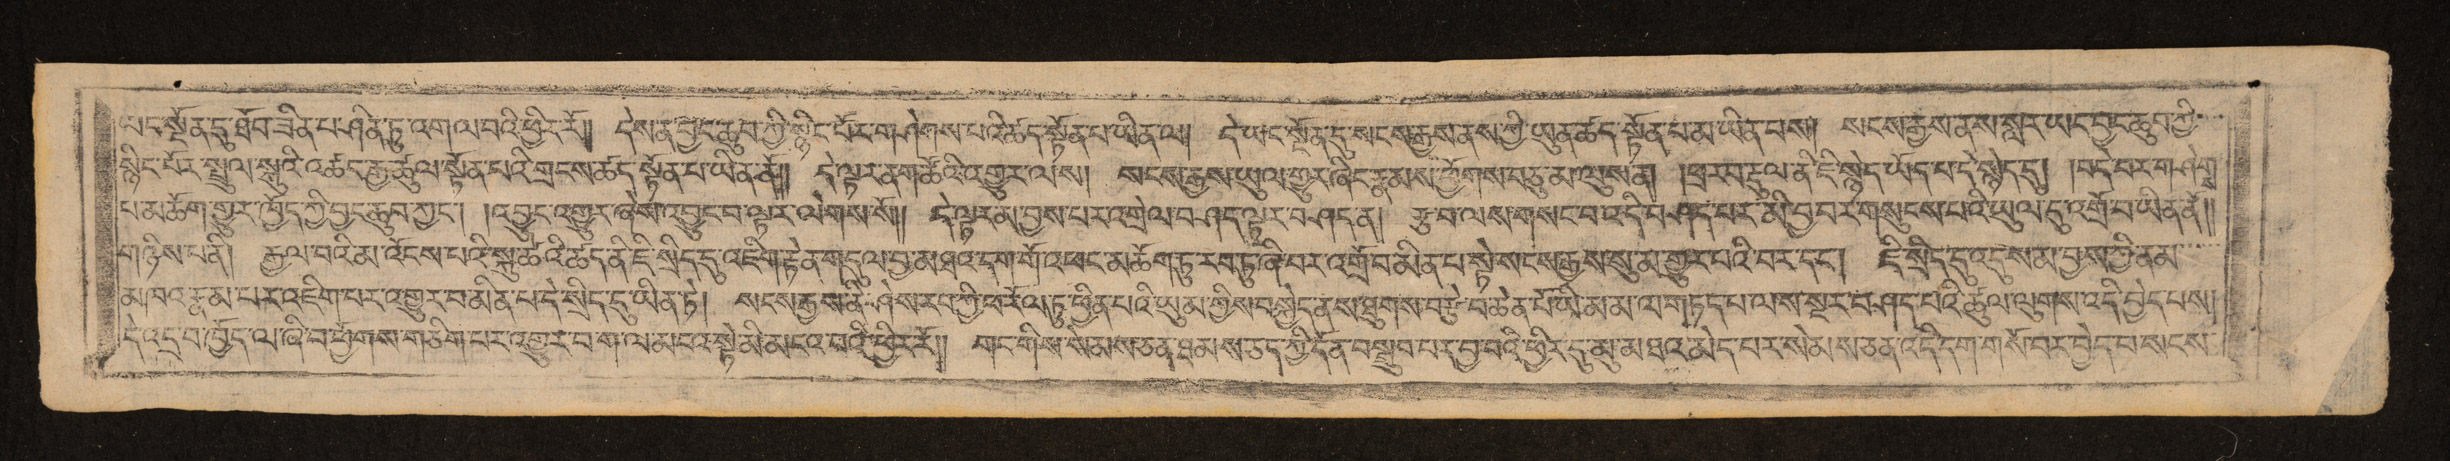ཡང་སྔོན་དུ་ཐོབ་ཟིན་པ་ཤིན་ཏུ་འགལ་བའི་ཕྱིར་རོ།། དེས་ན་བྱང་ཆུབ་ཀྱི་སྙིང་པོར་གཤེགས་པའི་ཚད་སྟོན་པ་ཡིན་ལ། དེ་ཡང་སྔོན་དུ་སངས་རྒྱས་ནས་ཀྱི་ཡུན་ཚད་སྟོན་པ་མ་ཡིན་པས། སངས་རྒྱས་ནས་སླར་ཡང་བྱང་ཆུབ་ཀྱི་
སྙིང་པོར་སྤྲུལ་སྐུའི་འཚང་རྒྱ་ཚུལ་སྟོན་པའི་གྲངས་ཚད་སྟོན་པ་ཡིན་ནོ།། དེ་ལྟར་ནག་ཚོའི་འགྱུར་ལས། སངས་རྒྱས་ཡུལ་གྱུར་ཞིང་རྣམས་ཕྱོགས་བཅུ་མ་ལུས་ན། །ཕྲ་རབ་རྡུལ་ནི་ཇི་སྙེད་ཡོད་པ་དེ་སྙེད་དུ། །བདེ་བར་གཤེགས་
པ་མཆོག་གྱུར་ཁྱོད་ཀྱི་བྱང་ཆུབ་ཀྱང་། །འབྱུང་འགྱུར་ཞེས་འབྱུང་བ་ལྟར་ལེགས་སོ།། དེ་ལྟར་མ་བྱས་པར་འགྲེལ་བཤད་ལྟར་བཤད་ན། རྩ་བ་ལས་གསང་བ་འདི་བཤད་པར་མི་བྱ་བར་གསུངས་པའི་ཡུལ་དུ་འགྲོ་བ་ཡིན་ནོ།།
གཉིས་པ་ནི། རྒྱལ་བའི་མ་འོངས་པའི་སྐུ་ཚེའི་ཚད་ནི་ཇི་སྲིད་དུ་འཇིག་རྟེན་གདུལ་བྱ་མཐའ་དག་གོ་འཕང་མཆོག་ཏུ་རབ་ཏུ་ཞི་བར་འགྲོ་བ་མིན་པ་ལྟེ་སངས་རྒྱས་སུ་མ་རྒྱུར་པའི་བར་དང་། ཇི་སྲིད་དུ་འདུས་མ་བྱས་ཀྱི་ནམ་
མཁའ་རྣམ་པར་འཇིག་པར་འགྱུར་བ་མིན་པ་དེ་སྲིད་དུ་ཡིན་ཏེ། སངས་རྒྱས་ནི་ཤེས་རབ་ཀྱི་ཕ་རོལ་ཏུ་ཕྱིན་པའི་ཡུམ་གྱིས་བསྐྱེད་ནས་ཐུགས་བརྩེ་བ་ཆེན་པོ་ཡི་མ་མ་ལ་གཏད་པ་ལས་སྔར་བཤད་པའི་ཚུལ་ལུགས་འདི་བྱེད་པས།
དེ་འདྲ་བ་ཁྱོད་ལ་ཞི་བ་ཕྱོགས་གཅིག་པར་འགྱུར་བ་ག་ལ་མངའ་སྟེ་མི་མངའ་བའི་ཕྱིར་རོ།། གང་གིས་སེམས་ཅན་ཐམས་ཅད་ཀྱི་དོན་བསྒྲུབ་པར་བྱ་བའི་ཕྱིར་དུ་མུ་མཐའ་མེད་པར་སེམས་ཅན་འདི་དག་གསོ་བར་བྱེད་པ་སངས་